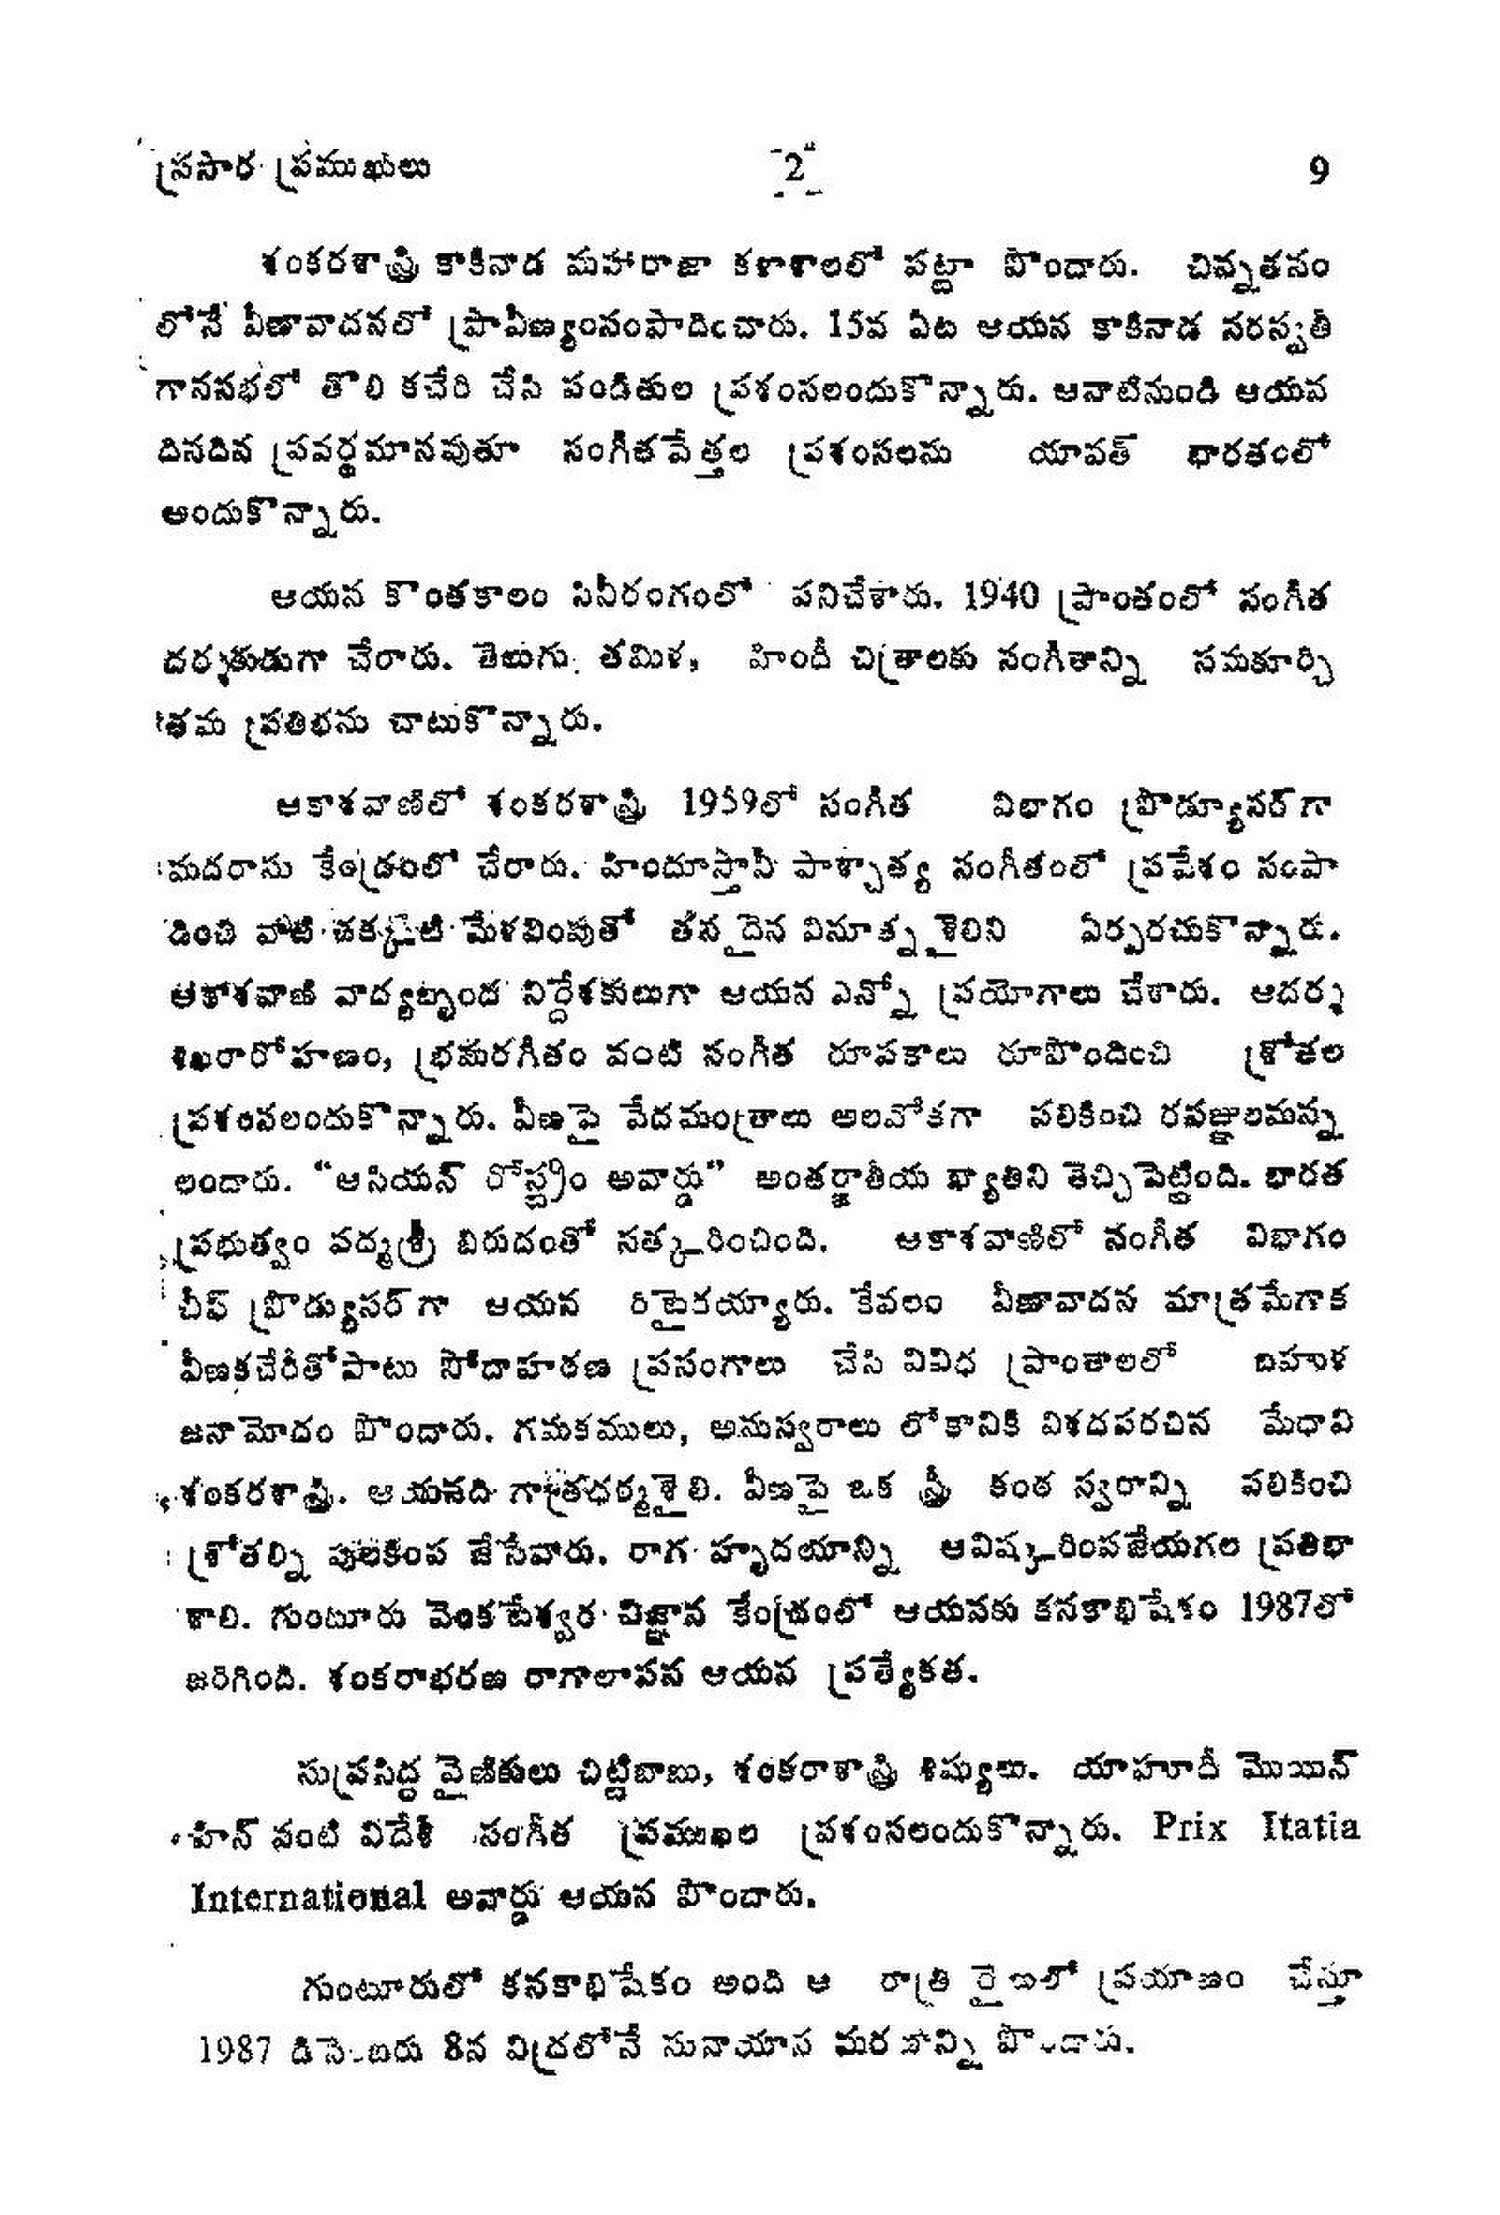శంకరశాస్త్రి కాకినాడ మహారాజా కళాశాలలో పట్టా పొందారు. చిన్నతనం లోనే వీణావాదనలో ప్రావీణ్యం సంపాదించారు. 15వ ఏట ఆయన కాకినాడ సరస్వతీ గానసభలో తొలి కచేరి చేసి పండితుల ప్రశంసలందుకొన్నారు. ఆనాటి నుండి ఆయన దినదిన ప్రవర్ధమానవుతూ సంగీతవేత్తల ప్రశంసలను యావత్ భారతంలో అందుకొన్నారు.

ఆయన కొంతకాలం సినీరంగంలో పనిచేశారు. 1940 ప్రాంతంలో సంగీత దర్శకుడుగా చేరారు. తెలుగు, తమిళ, హిందీ చిత్రాలకు సంగీతాన్ని సమకూర్చి తమ ప్రతిభను చాటుకొన్నారు.

ఆకాశవాణిలో శంకరశాస్త్రి 1959లో సంగీత విభాగం ప్రొడ్యూసర్ గా మదరాసు కేంద్రంలో చేరారు. హిందూస్తానీ పాశ్చాత్య సంగీతంలో ప్రవేశం సంపాదించి వాటి చక్కని మేళవింపుతో తనదైన వినూత్నశైలిని ఏర్పరచుకొన్నారు. ఆకాశవాణి వాద్యబృంద నిర్దేశకులుగా ఆయన ఎన్నో ప్రయోగాలూ చేశారు. ఆదర్శ శిఖరారోహణం, భ్రమరగీతం వంటి సంగీత రూపకాలు రూపొందించి శ్రోతల ప్రశంసలందుకొన్నారు. వీణపై వేదమంత్రాలు అలవోకగా పలికించి రసజ్ఞఉల మన్ననలందారు. "ఆసియన్ రోస్ట్రం అవార్డు" అంతర్జాతీయ ఖ్యాతిని తెచ్చిపెట్టింది. భారత ప్రభుత్వం పద్మశ్రీ బిరుదంతో సత్కరించింది. ఆకాశవాణిలో సంగీత విభాగం ఛీఫ్ ప్రొడ్యూసర్ గా ఆయన రిటైరయ్యారు. కేవలం వీణావాదన మాత్రమేగాక వీణ కచేరీతో పాటు సోదాహరణ ప్రసంగాలు చేసి వివిధ ప్రాంతాలలో బహుళ జనామోదం పొందారు. గమకములు, అనుస్వరాలు లోకానికి విశదపరచిన మేధావి శంకరశాస్త్రి. ఆయనది గాత్రధర్మశైలి. వీణపై ఒక స్త్రీ కంఠ స్వరాన్ని పలికించి శ్రోతల్ని పులకింప జేసేవారు. రాగ హృదయాన్ని ఆవిష్కరింపజేయగల ప్రతిభాశాలి. గుంటూరు వెంకటేశ్వర విజ్ఞాన కేంద్రంలో ఆయనకు కనకాభిషేకం 1987లో జరిగింది. శంకరాభారణ రాగాలాపన ఆయన ప్రత్యేకత.

సుప్రసిద్ధ వైణికులు చిట్టిబాబు, శంకరశాస్త్రి శిష్యులు. యాహూదీ మొయిన్ హిన్ వంటి విదేశీ సంగీత ప్రముఖుల ప్రశంసలందుకొన్నారు. Prix Italia International అవార్డు ఆయన పొందారు. 

గుంటూరులో కనకాభిషేకం అంది ఆ రాత్రి రైలులో ప్రయాణం చేస్తూ 1987 డిసెంబరు 8న నిద్రలోనే సునాయాస మరణాన్ని పొందారు.